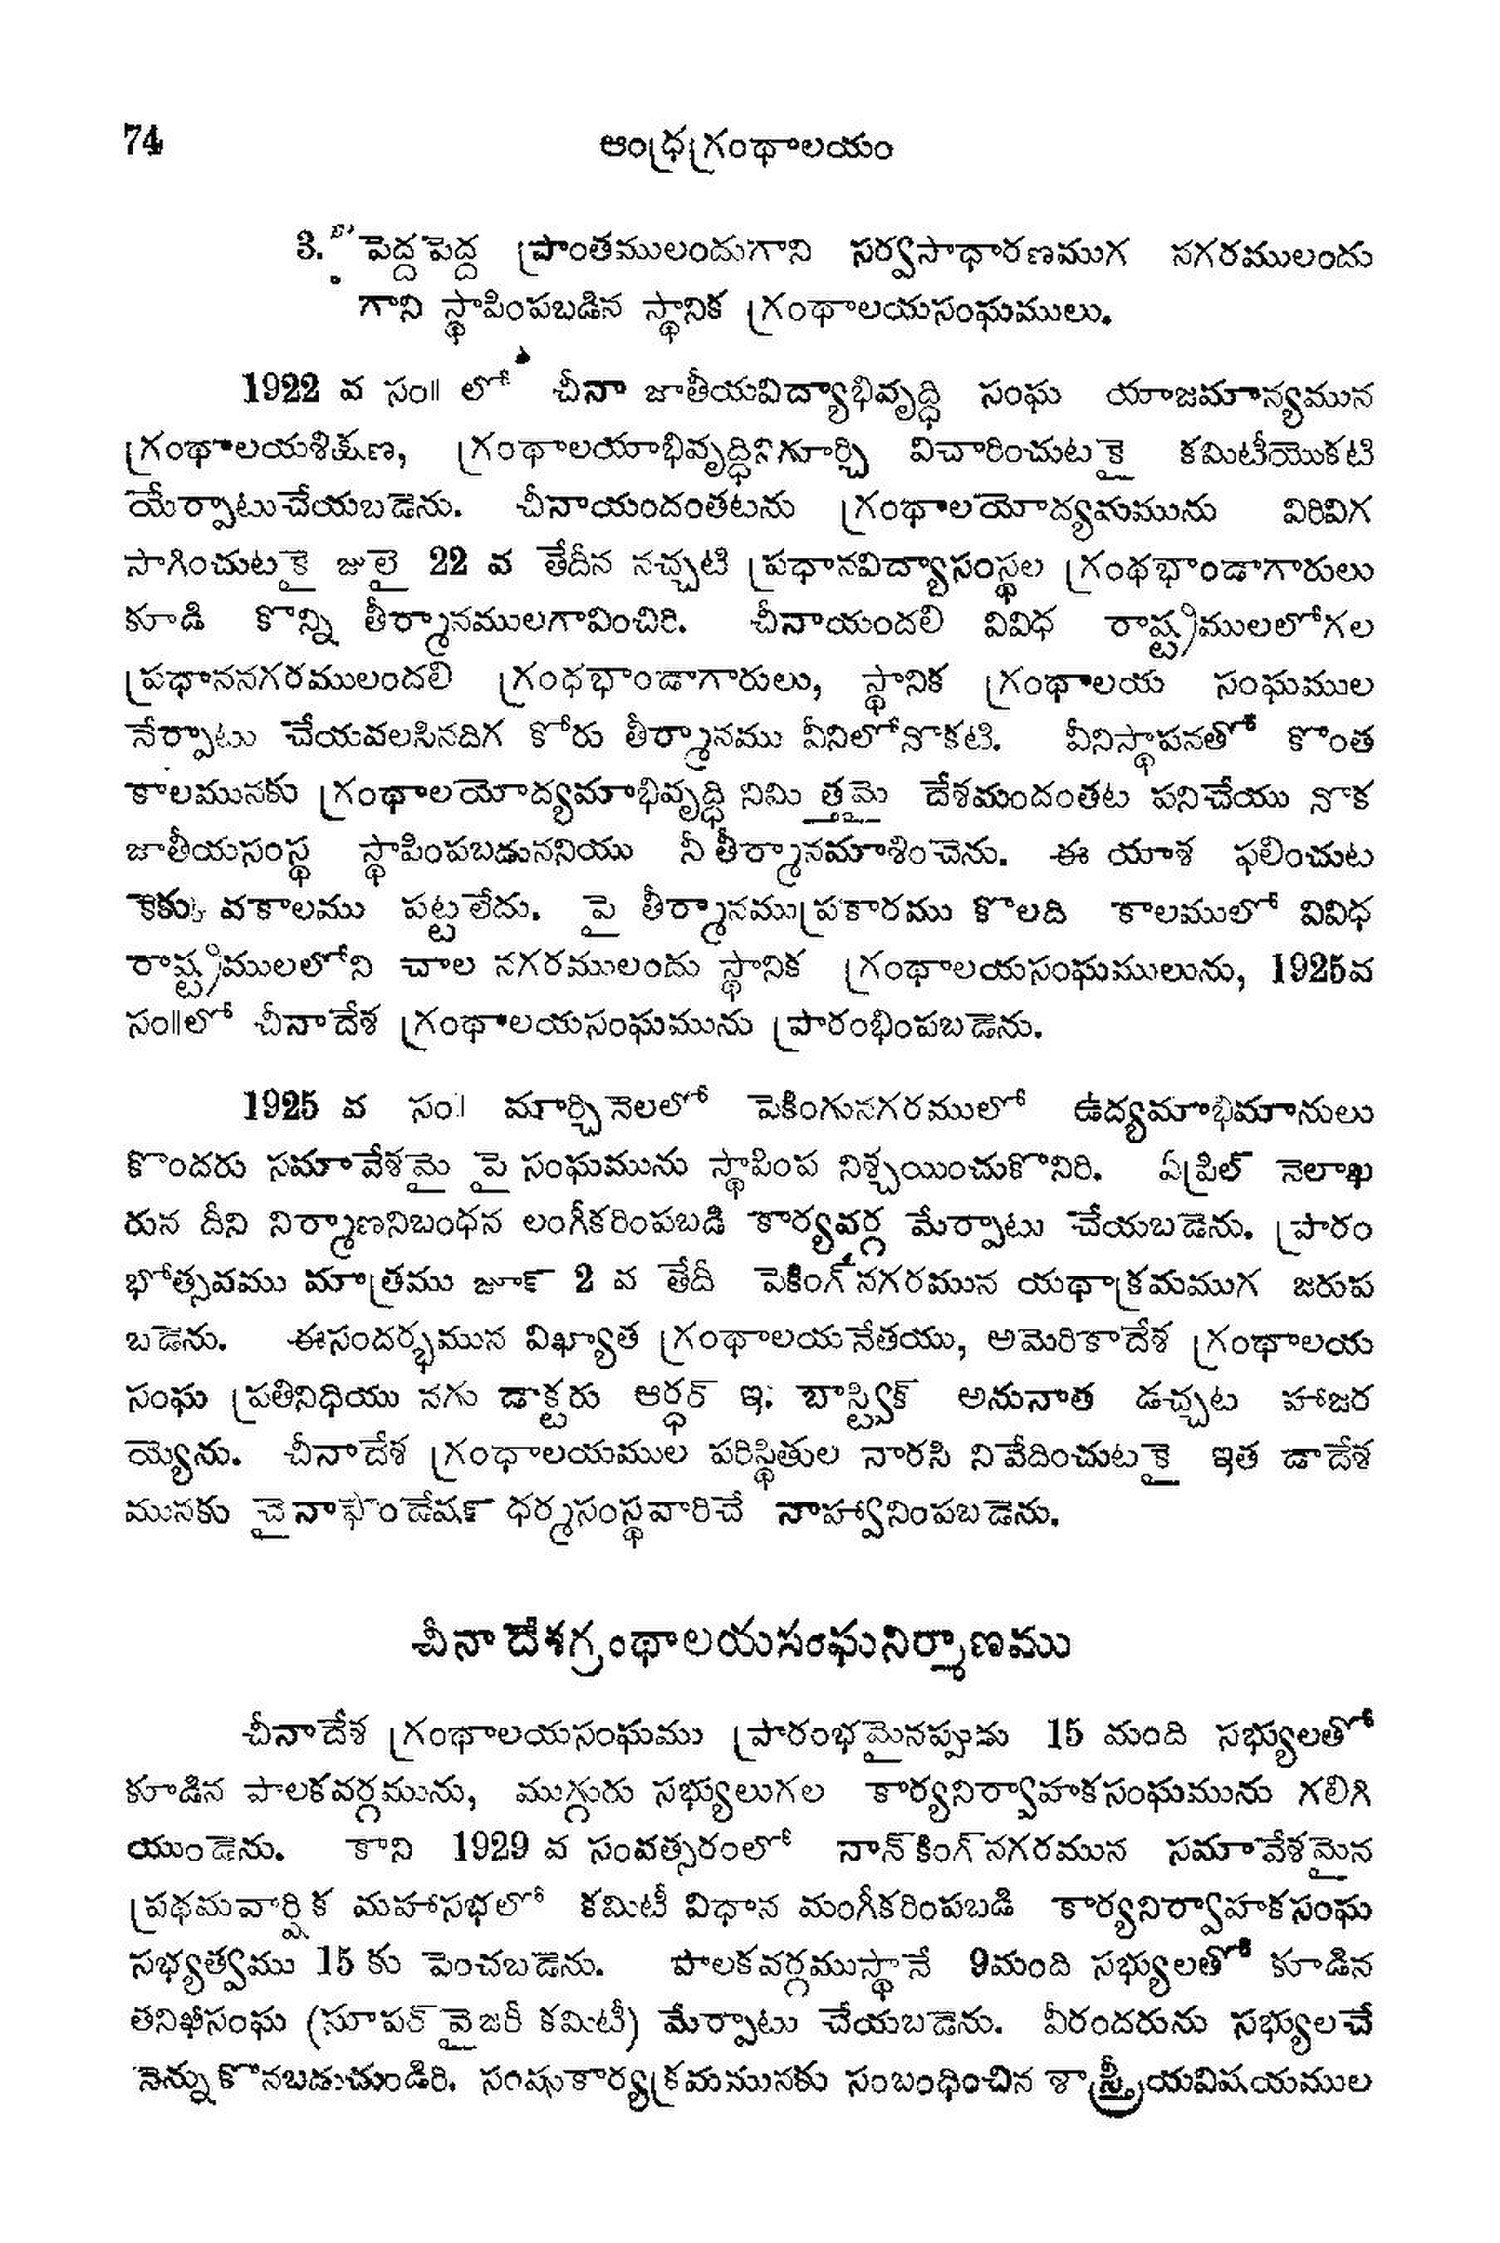3.పెద్ద పెద్ద ప్రాంతములందు గాని సర్వసాధారణముగ నగరములందు గాని స్థాపింపబడిన స్థానిక గ్రంథాలయసంఘములు.

1922వ సం॥లో చీనా జాతీయవిద్యాభివృద్ధి సంఘ యాజమాన్యమున గ్రంథాలయశిక్షణ, గ్రంథాలయాభివృద్ధిని గూర్చి వి
చారించుటకై యేర్పాటు చేయబడెను. చీనాయందంతటను గ్రంథాలయోద్యమమును సాగించుటకై జులై 22 వ తేదీన నచ్చటి ప్రధానవిద్యాసంస్థల గ్రంథ భాండాగారులు కూడి కొన్ని తీర్మానములగావించిరి. చీనాయందలి వివిధ రాష్ట్రములలోగల
ప్రధాననగరములందలి గ్రంధభాండాగారులు, స్థానిక గ్రంథాలయ సంఘముల నేర్పాటు చేయవలసినదిగ కోరు తీర్మానము 
వీనిలోనొకటి. వీనిస్థాపనతో కొంత కాలమునకు గ్రంథాలయోద్యమాభివృద్ధి నిమిత్తమై దేశమందంతట పనిచేయు నొక
జాతీయసంస్థ స్థాపింపబడుననియునీ తీర్మానమాశించెను. ఈ యాశ ఫలించుట కెక్కువకాలము పట్టలేదు. పై తీర్మానము 
ప్రకారము కొలది కాలములో వివిధ రాష్ట్రములలోని చాల నగరములందు స్థానిక గ్రంథాలయసంఘములును, 1925వ
సం॥లో చీనాదేశ గ్రంథాలయ సంఘమును ప్రారంభింపబడెను.

1925వ సం. మార్చి నెలలో పెకింగునగరములో ఉద్యమాభిమానులు కొందరు సమావేశమై పై సంఘమును స్థాపింప 
నిశ్చయించుకొనిరి. ఏప్రిల్ నెలాఖరున దీని నిర్మాణనిబంధన అంగీకరింపబడి కార్యవర్గ మేర్పాటు చేయబడెను. ప్రారంభోత్సవము మాత్రము జూ౯ 2 వ తేదీ పెకింగ్ నగరమున యథాక్రమముగ జరుపబడెను. ఈ సందర్భమున విఖ్యాత గ్రంథాలయనేతయు, 
అమెరికాదేశ గ్రంథాలయసంఘ ప్రతినిధియునగు డాక్టరు ఆర్దర్ ఇ.బాస్టిక్ అనునాత డచ్చట హాజరయ్యెను. చీనాదేశ 
గ్రంధాలయములు పరిస్థితులు నారసి నివేదించుటకై ఇత డా దేశమునకు చైనా ఫౌండేష౯ ధర్మసంస్థవారిచే నాహ్వానింపబడెను.

చీనాదేశ గ్రంథాలయ సంఘము ప్రారంభమైనప్పుడు 15 మంది సభ్యులతో కూడిన పాలకవర్గమును, ముగ్గురు సభ్యులుగల 
కార్యనిర్వాహక సంఘమును గలిగి యుండెను. కాని 1929 వ సంవత్సరంలో నానికింగ్ నగరమున సమావేశమైన ప్రథమవార్షిక 
మహాసభలో కమిటీ విధాన మంగీకరింపబడి కార్యనిర్వాహక సంఘ సభ్యత్వము 15కు పెంచబడెను. పాలకవర్గముస్థానే 9మంది 
సభ్యులతో కూడిన తనిఖీసంఘ (సూపర్ వైజరీ కమిటీ) మేర్పాటు చేయబడెను. వీరందరును సభ్యులచే నెన్నుకొనబడుచుండిరి. 
సంఘకార్యక్రమమునకు సంబంధించిన శాస్త్రీయవిషయముల